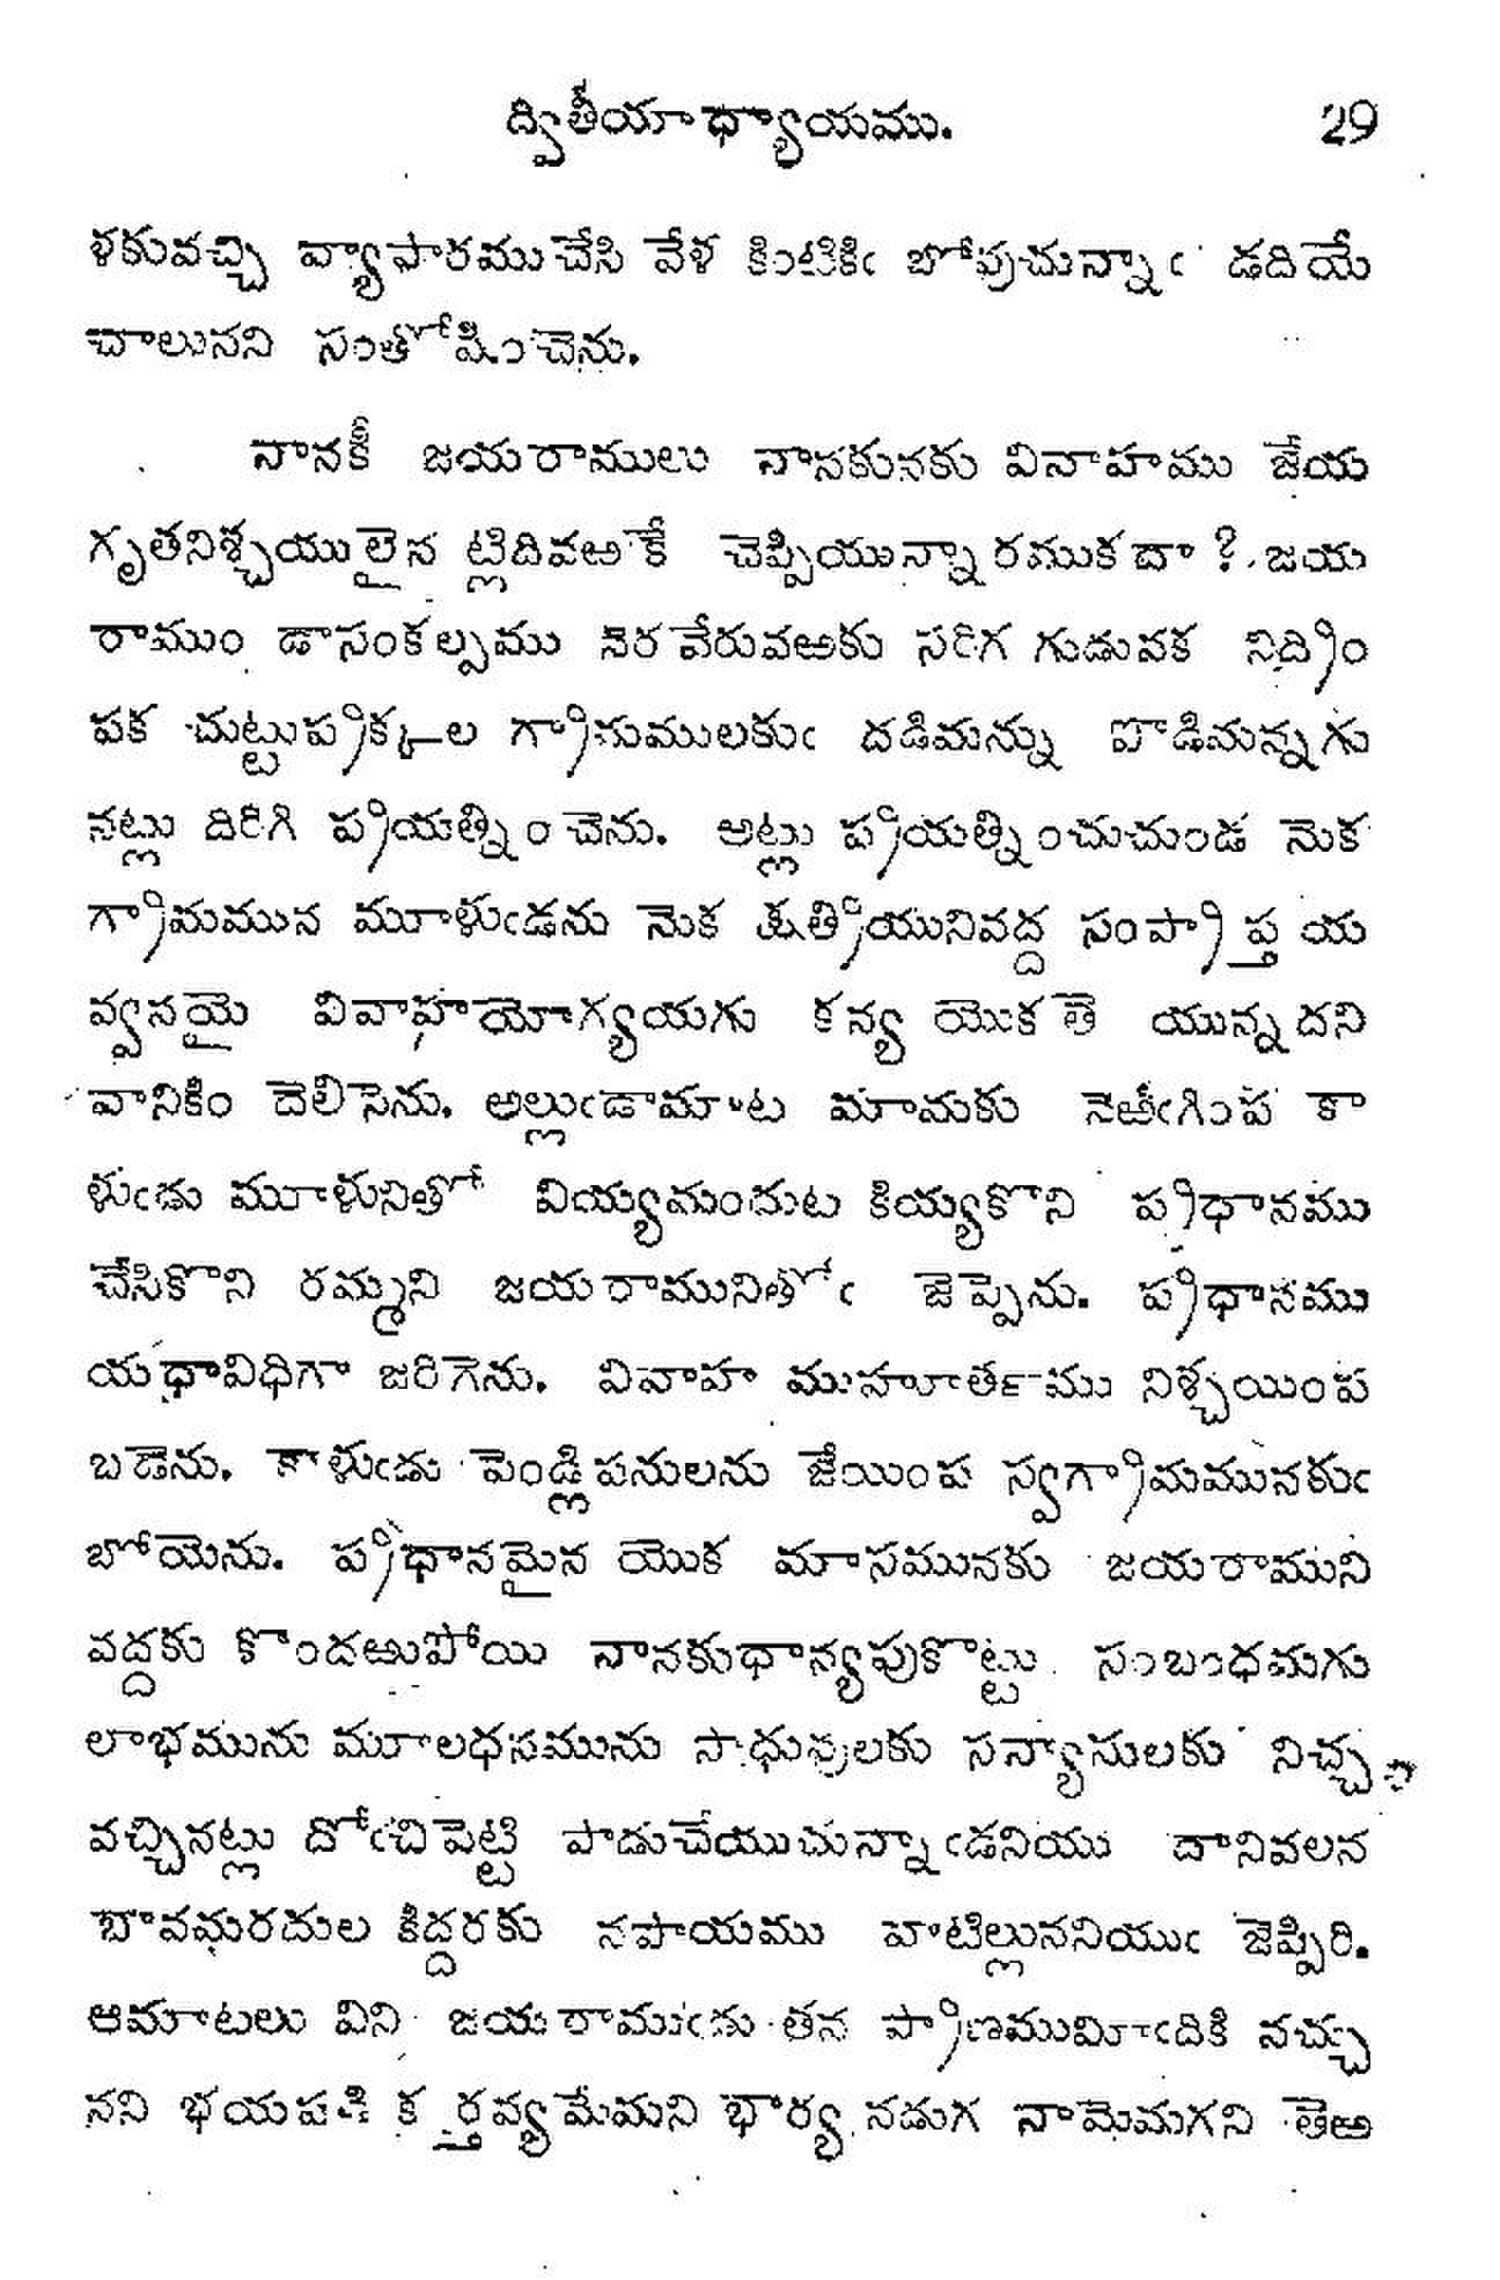ళకువచ్చి వ్యాపారముచేసి వేళ కింటికి బోవుచున్నా డదియే చాలునని సంతోషించెను.

నానకీ జయరాములు నానకునకు వివాహము జేయ గృతనిశ్చయులైన ట్లిదివఱకే చెప్పియున్నారముకదా? జయరాముం డాసంకల్పము నెరవేరువఱకు సరిగ గుడవక నిద్రింపక చుట్టుప్రక్కల గ్రామములకు దడిమన్ను పొడిమన్నగు నట్లు దిరిగి ప్రయత్నించెను. అట్లు ప్రయత్నించుచుండ నొక గ్రామమున మూళుడను నొక క్షత్రియునివద్ద సంప్రాప్త యవ్వనయై వివాహయోగ్యయగు కన్య యొకతె యున్నదని వానికిం దెలిసెను. అల్లుడామాట మామకు నెఱిగింప కాళుడు మూళునితో వియ్యమందుట కియ్యకొని ప్రధానము చేసికొని రమ్మని జయరామునితో జెప్పెను. ప్రధానము యధావిధిగా జరిగెను. వివాహ ముహూతన్‌ము నిశ్చయింప బడెను. కాళుడు పెండ్లిపనులను జేయింప స్వగ్రామమునకు బోయెను. ప్రధానమైన యొక మాసమునకు జయరాముని వద్దకు కొందఱుపోయి నానకుధాన్యపుకొట్టు సంబంధమగు లాభమును మూలధనమును సాధువులకు సన్యాసులకు నిచ్చవచ్చినట్లు దోచిపెట్టి పాడుచేయుచున్నాడనియు దానివలన బావమరదుల కిద్దరకు నపాయము వాటిల్లుననియు జెప్పిరి. ఆమాటలు విని జయరాముడు తన ప్రాణముమీదికి వచ్చునని భయపడి కర్తవ్యమేమని భార్యనడుగ నామెమగని తెఱ